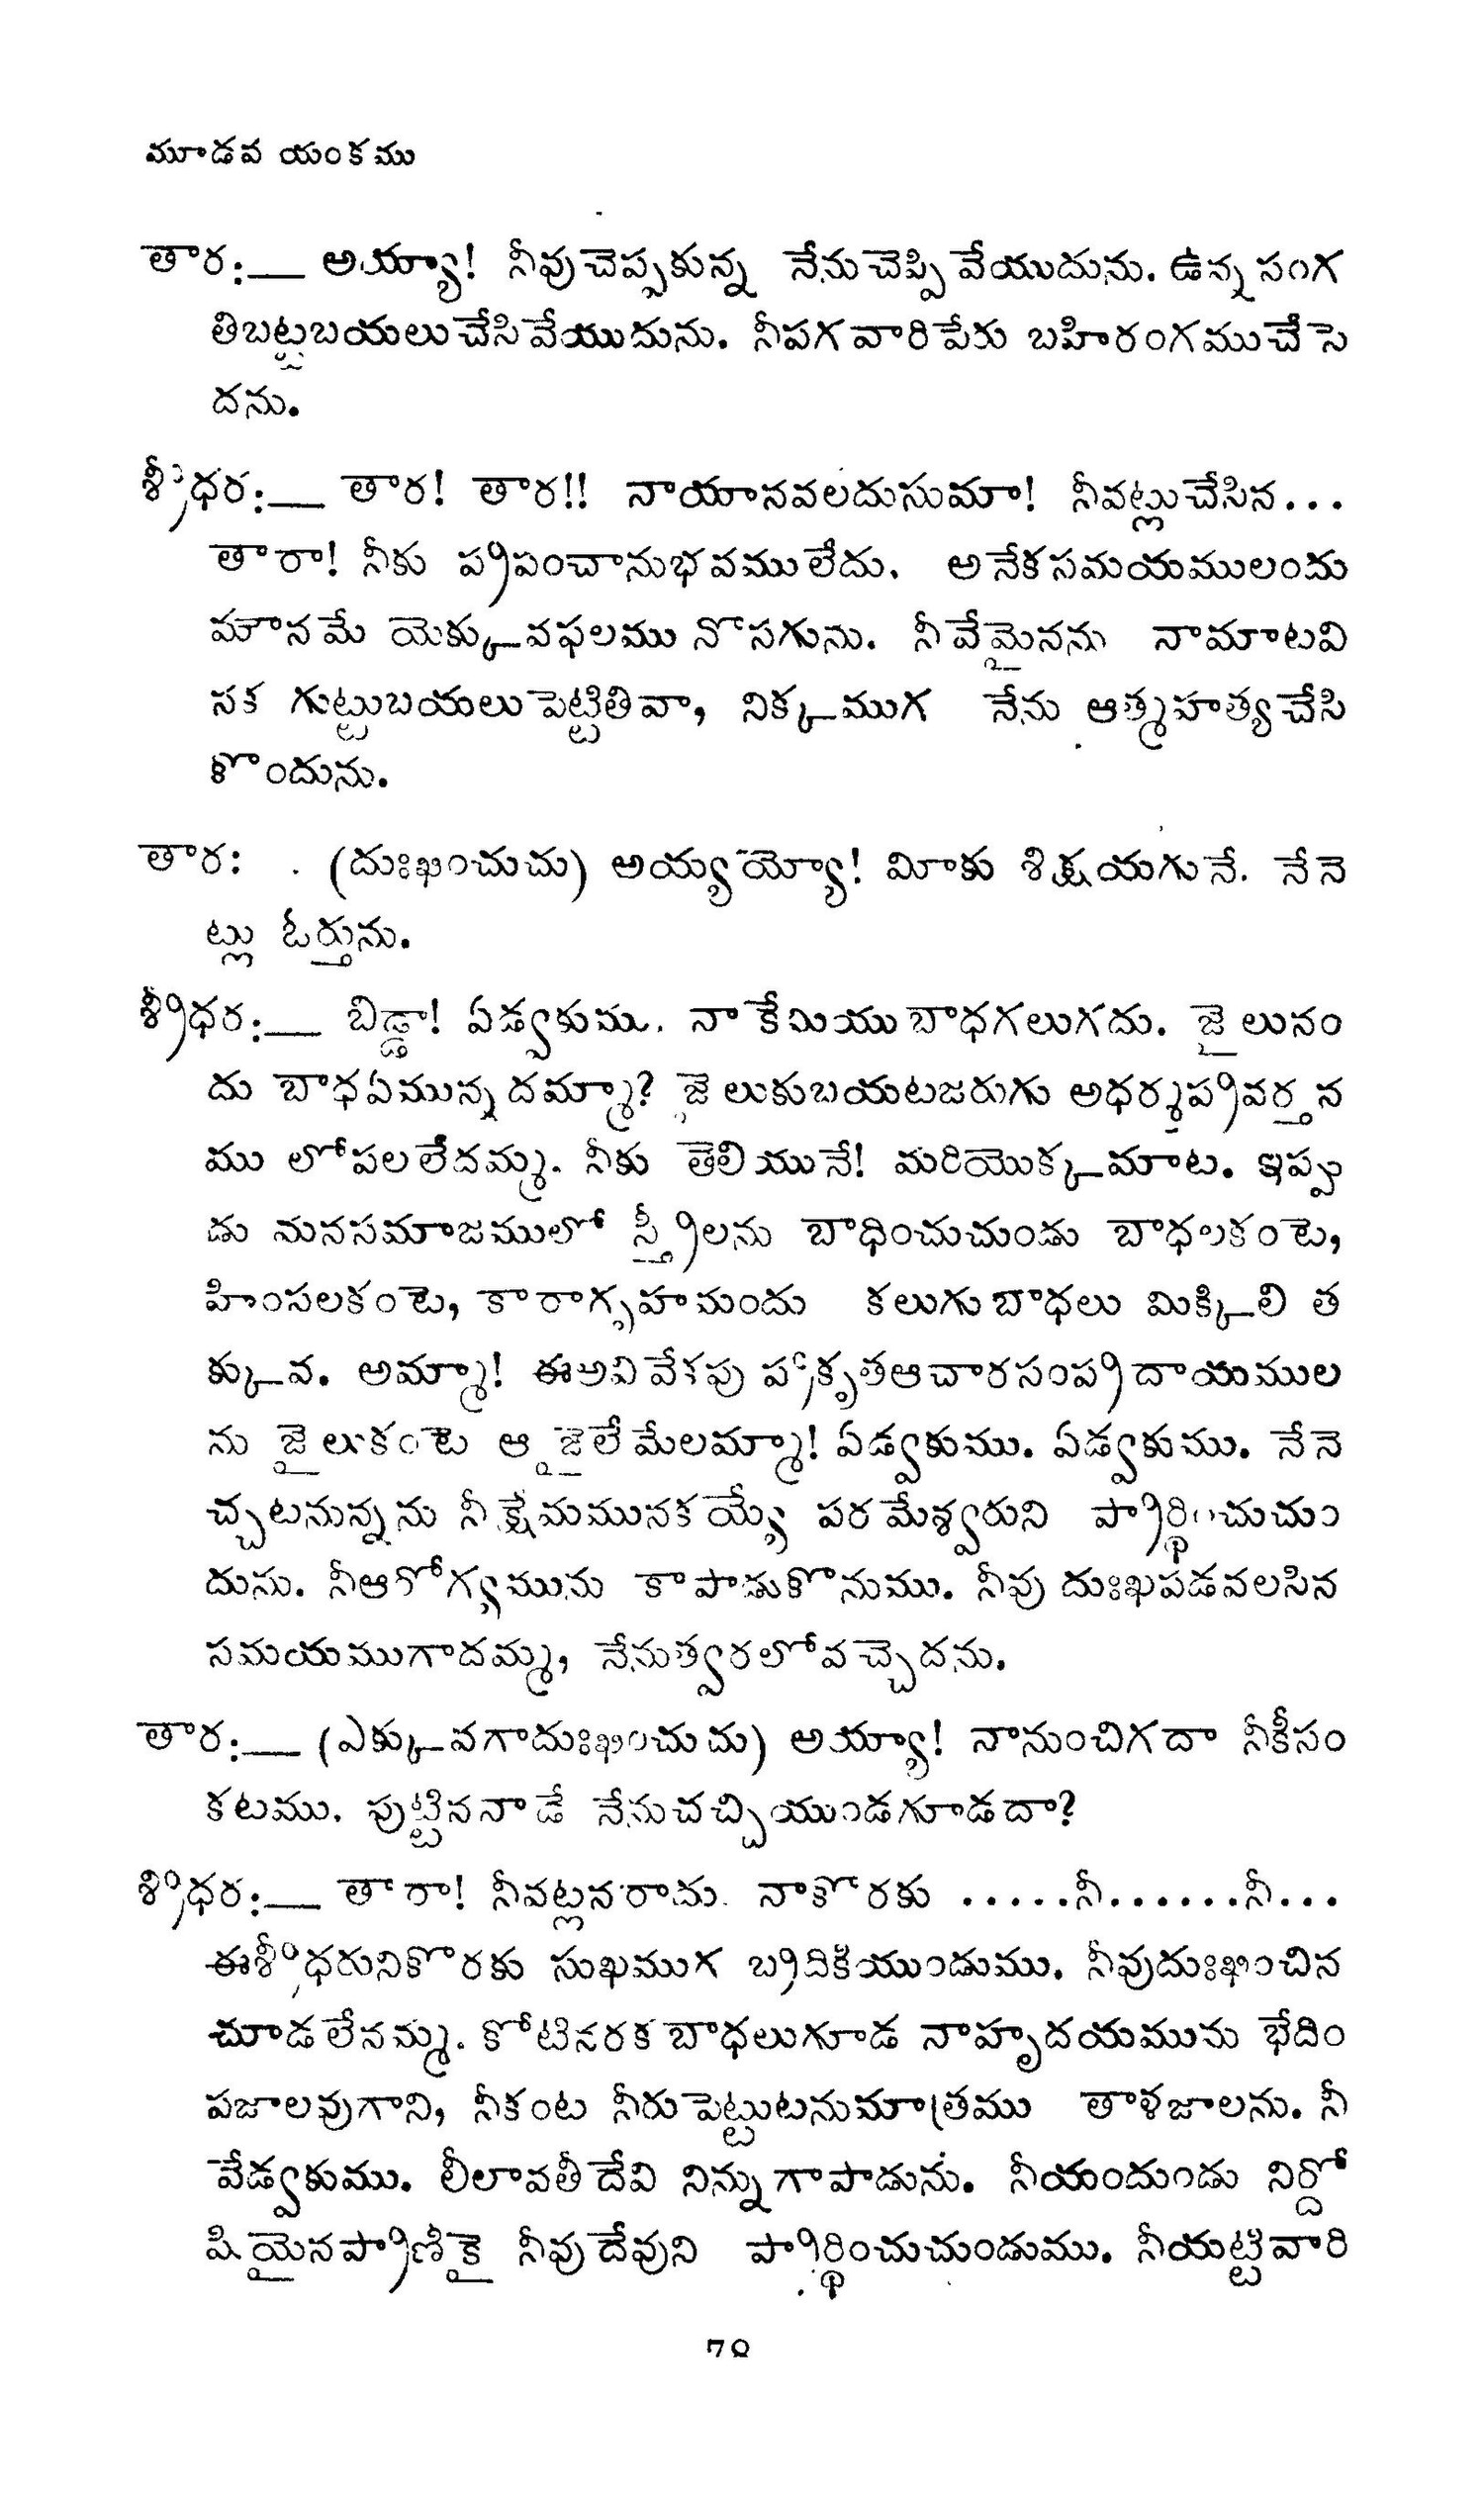తార:-అయ్యా! నీవుచెప్పకున్న నేనుచెప్పివేయుదును. ఉన్నసంగతి బట్టబయలు చేసివేయుదును. నీపగవారిపేరు బహిరంగముచేసెదను.

శ్రీధర;- తార! తార! నాయానవలదుసుమా! నీవట్లుచేసిన.... తారా! నీకు ప్రపంచానుభవములేదు. అనేక సమయములందు మౌనమే యెక్కువఫలము నొసగును. నీవేమైనను నామాటవినక గుట్టుబయలు పెట్టితివా, నిక్కముగ నేను ఆత్మహత్యచేసి కొందును.

తార:-(దు:ఖించును) అయ్యయ్యో! మీకి శిక్షయగునే నేనెట్లు ఓర్తును.

శ్రీధర:- బిడ్డా! ఏడ్వకుము. నాకేమియు బాధకలుగదు. జైలునందు బాధఏమున్నదమ్మా? జైలుబయటజరుగు అధర్మప్రవర్తనము లోపల లేదమ్మ, నీకు తెలియునే! మరియొక్కమాట. ఇప్పుడు మనసమాజములో స్త్రీలను బాదించుచుండు బాధలకంటె, హింసలకంటె కారాగృహమందు కలుగు బాధలు మిక్కిలి తక్కువ అమ్మా! ఈ అవివేకపు ప్రకృతా అచారసంప్రదాయములను జైలుకంటె ఆజైలేమేలమ్మా! ఏడ్వకుము. ఏడ్వకుము. నేనెచ్చటనున్నను నీక్షేమమ్నకయ్యే పరమేశ్వరుని ప్రార్దీంచు చుందును. నీఆరోగ్యమును కాపాడుకొనుము. నీవు దు:ఖపడవలసిన సమయము గాదమ్మ, నేనుత్వరలో వచ్చెదను.

తార:-(ఎక్కువగా దు:ఖించుచు) అయ్యా! నామంచిగదా నీకీసంకటము పుట్టిననాడే నేను చచ్చియుండ గూడాదా?

శ్రీధర:- తారా! నీవట్లనరాదు నాకొరకు...నీ....నీ శ్రీధరునికొరకు సుఖముగ బ్రతికియుందుము. నీవు దు:ఖించిన చూడలేనమ్మ. కోటినరక భాధలుగూడ నాహృదయమును బేదింప జాలవుగాని, నీకంట నీరు పెట్టుట మాత్రము తాళజాలను. నీ వేడ్వకుము. లీలావతిదేవి నిన్నుగాపాడును. నీయందుండు నిర్దోషి యైనప్రానికై నీవుదేవుని ప్రార్దించుచుండుము. నీయట్టివారి